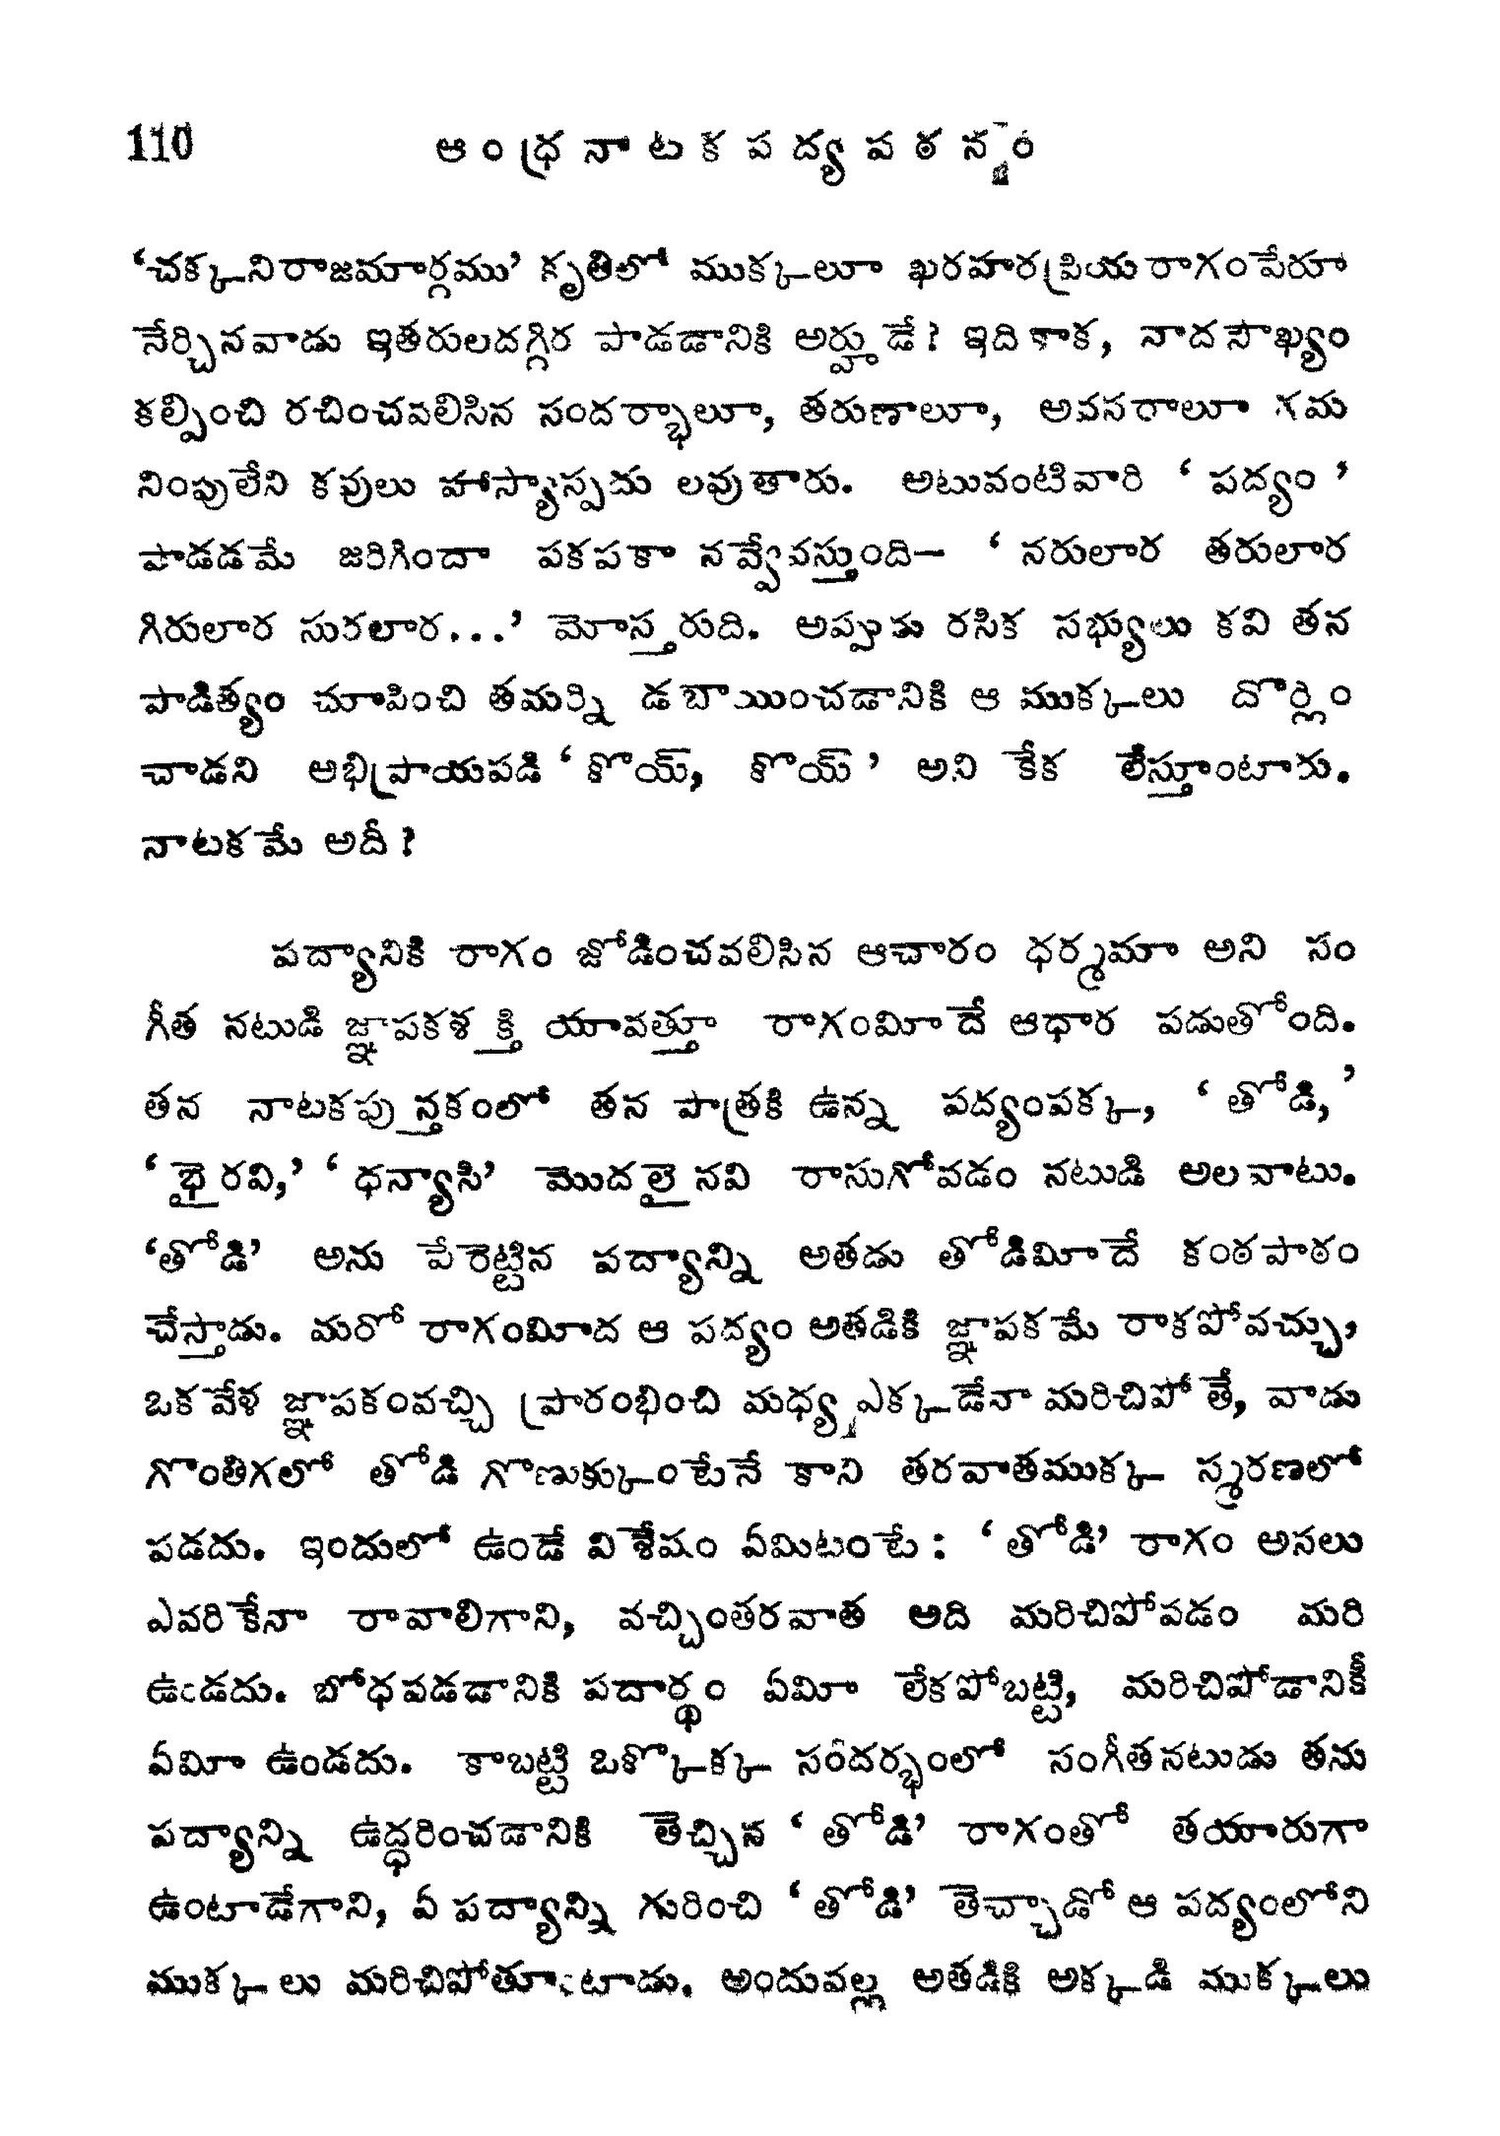'చక్కనిరాజమార్గము' కృతిలో ముక్కలూ ఖరహరప్రియరాగంపేరూ
నేర్చినవాడు ఇతరులదగ్గిర పాడడానికి అర్హుడే ? ఇది కాక, నాదసౌఖ్యం
కల్పించి రచించవలిసిన సందర్భాలూ, తరుణాలూ, అవసరాలూ గమ
నింపులేని కవులు హాస్యాస్పదు లవుతారు. అటువంటివారి 'పద్యం'
పాడడమే జరిగిందా పకపకా నవ్వేవస్తుంది – ' నరులార తరులార
గిరులార సురలార...' మోస్తరుది. అప్పుడు రసిక సభ్యులు కవి తన
పాడిత్యం చూపించి తమర్ని డబాయించడానికి ఆ ముక్కలు దొర్లిం
చాడని అభిప్రాయపడి ‘కొయ్, కొయ్' అని కేక లేస్తూంటారు.
నాటకమే అదీ ?

పద్యానికి రాగం జోడించవలిసిన ఆచారం ధర్మమా అని సం
గీత నటుడి జ్ఞాపకశక్తి యావత్తూ రాగంమీదే ఆధార పడుతోంది.
తన నాటకపుస్తకంలో తన పాత్రకి ఉన్న పద్యంపక్క, 'తోడి, '
'భైరవి,' ' ధన్యాసి' మొదలైనవి రాసుగోవడం నటుడి అలవాటు.
'తోడి' అను పేరెట్టిన పద్యాన్ని అతడు తోడిమీదే కంఠపాఠం
చేస్తాడు. మరో రాగంమీద ఆ పద్యం అతడికి జ్ఞాపకమే రాకపోవచ్చు,
ఒక వేళ జ్ఞాపకంవచ్చి ప్రారంభించి మధ్య ఎక్కడేనా మరిచిపోతే, వాడు
గొంతిగలో తోడి గొణుక్కుంటేనే కాని తరువాతముక్క స్మరణలో
పడదు. ఇందులో ఉండే విశేషం ఏమిటంటే: 'తోడి' రాగం అసలు
ఎవరికేనా రావాలిగాని, వచ్చింతరువాత అది మరిచిపోవడం మరి
ఉండదు. బోధపడడానికి పదార్థం ఏమీ లేకపోబట్టి, మరిచిపోడానికీ
ఏమీ ఉండదు. కాబట్టి ఒక్కొక్క సందర్భంలో సంగీతనటుడు తను
పద్యాన్ని ఉద్ధరించడానికి తెచ్చిన 'తోడి' రాగంతో తయారుగా
ఉంటాడేగాని, ఏ పద్యాన్ని గురించి 'తోడి' తెచ్చాడో ఆ పద్యంలోని
ముక్కలు మరిచిపోతూంటాడు. అందువల్ల అతడికి అక్కడి ముక్కలు